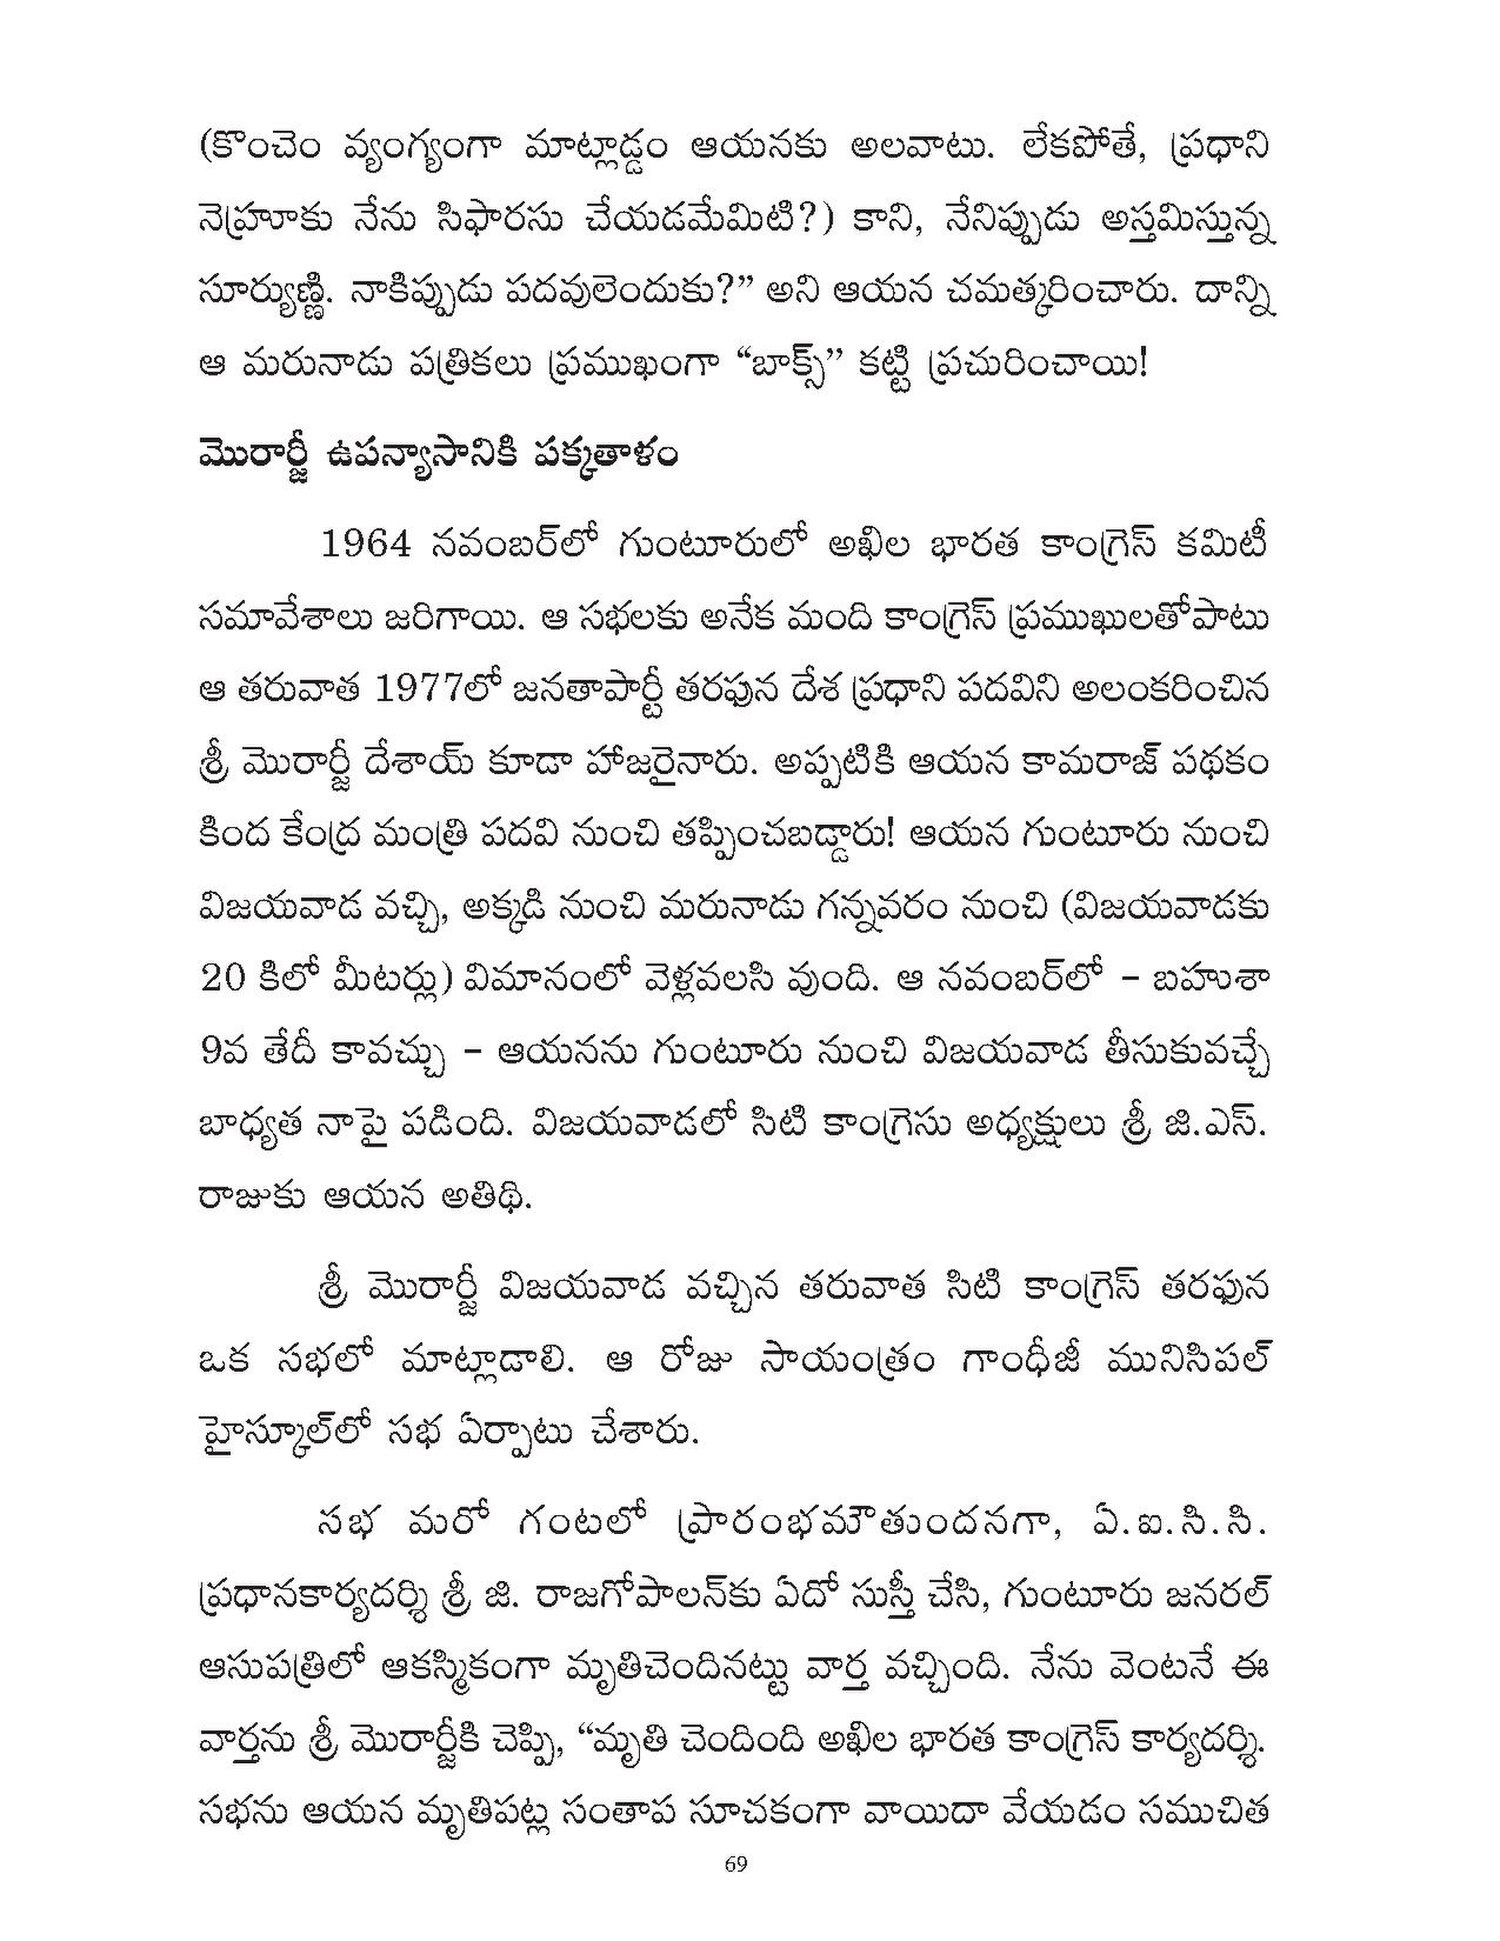(కొంచెం వ్యంగ్యంగా మాట్లాడ్డం ఆయనకు అలవాటు. లేకపోతే, ప్రధాని
నెహ్రూకు నేను సిఫారసు చేయడమేమిటి?) కాని, నేనిప్పుడు అస్తమిస్తున్న
సూర్యుణ్ణి. నాకిప్పుడు పదవులెందుకు?" అని ఆయన చమత్కరించారు. దాన్ని
ఆ మరునాడు పత్రికలు ప్రముఖంగా "బాక్స్‌" కట్టి ప్రచురించాయి!

మొరార్జీ ఉపన్యాసానికి పక్కతాళం

1964 నవంబర్‌లో గుంటూరులో అఖిల భారత కాంగ్రెస్‌ కమిటీ
సమావేశాలు జరిగాయి. ఆ సభలకు అనేక మంది కాంగ్రెస్‌ ప్రముఖులతోపాటు
ఆ తరువాత 1977లో జనతాపార్టీ తరఫున దేశ ప్రధాని పదవిని అలంకరించిన
శ్రీ మొరార్జీ దేశాయ్ కూడా హాజరైనారు. అప్పటికి ఆయన కామరాజ్‌ పథకం
కింద కేంద్ర మంత్రి పదవి నుంచి తప్పించబడ్డారు! ఆయన గుంటూరు నుంచి
విజయవాడ వచ్చి, అక్కడి నుంచి మరునాడు గన్నవరం నుంచి (విజయవాడకు
20 కిలో మీటర్లు) విమానంలో వెళ్లవలసి వుంది. ఆ నవంబర్‌లో - బహుశా
9వ తేదీ కావచ్చు - ఆయనను గుంటూరు నుంచి విజయవాడ తీసుకువచ్చే
బాధ్యత నాపై పడింది. విజయవాడలో సిటి కాంగ్రెసు అధ్యక్షులు శ్రీ జి.ఎస్‌.
రాజుకు ఆయన అతిథి.

శ్రీ మొరార్జీ విజయవాడ వచ్చిన తరువాత సిటి కాంగ్రెస్‌ తరఫున
ఒక సభలో మాట్లాడాలి. ఆ రోజు సాయంత్రం గాంధీజీ మునిసిపల్‌
హైస్కూల్‌లో సభ ఏర్పాటు చేశారు.

సభ మరో గంటలో ప్రారంభమౌతుందనగా, ఏ.ఐ.సి.సి.
ప్రధానకార్యదర్శి శ్రీ జి. రాజగోపాలన్‌కు ఏదో సుస్తీ చేసి, గుంటూరు జనరల్‌
ఆసుపత్రిలో ఆకస్మికంగా మృతిచెందినట్టు వార్త వచ్చింది. నేను వెంటనే ఈ
వార్తను శ్రీ మొరార్జీకి చెప్పి, "మృతి చెందింది అఖిల భారత కాంగ్రెస్‌ కార్యదర్శి.
సభను ఆయన మృతిపట్ల సంతాప సూచకంగా వాయిదా వేయడం సముచిత